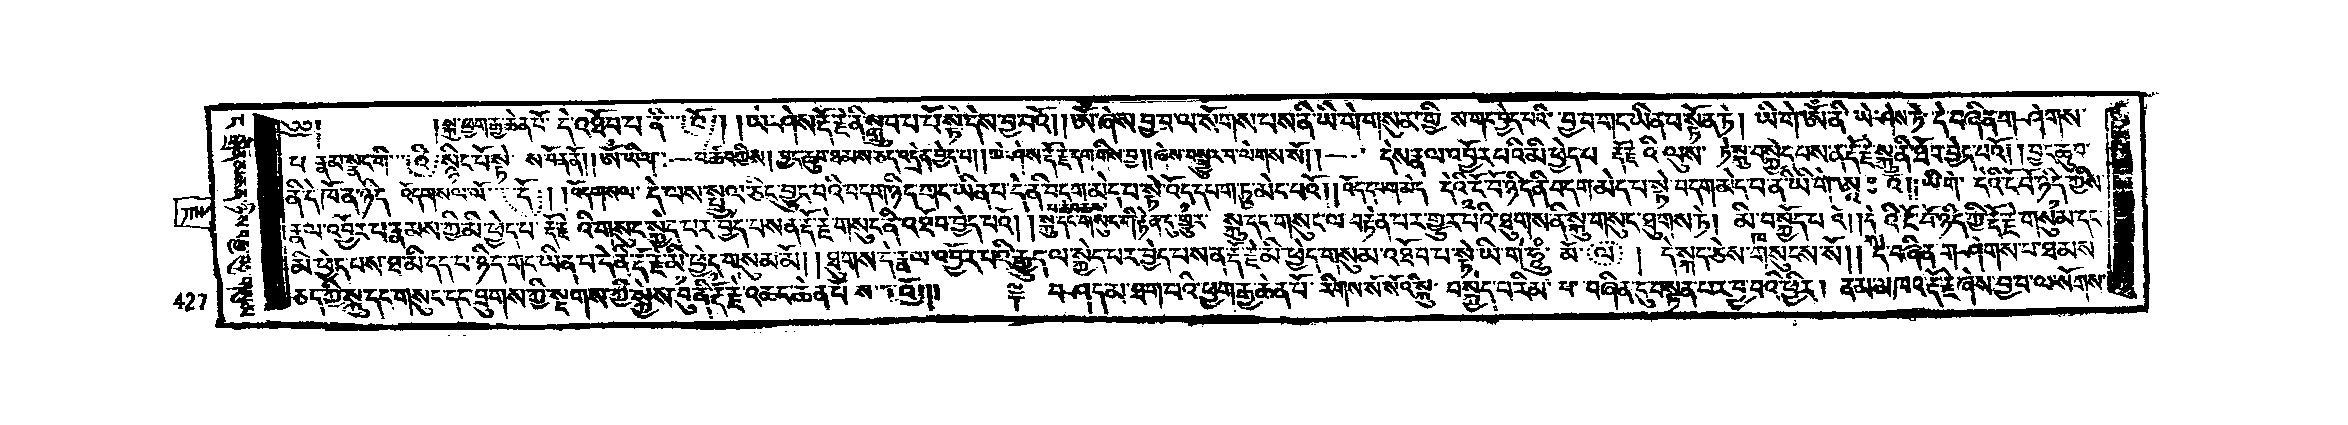༄༅། ། སྐུ་ཕྱག་རྒྱ་ཆེན་པོ་དེ་འཐོབ་པ་ནི་འོ། །ཡེ་ཤེས་རྡོ་རྗེ་ནི་སྒྲུབ་པ་པོ་སྟེ་དེས་བྱ་བའོ། །ཨོཾ་ཞེས་བྱ་བ་ལ་སོགས་པས་ནི་ཡི་གེ་གསུམ་གྱིས་གང་བྱེད་པའི་བྱ་བ་གང་ཡིན་པ་སྟོན་ཏེ། ཡི་གེ་ཨོཾ་ནི་ཡེ་ཤེས་ཏེ་དེ་བཞིན་གཤེགས་
པ་རྣམ་སྣང་གི་འི་སྙིང་པོ་སྟེ་ས་བོན་ནོ། །ཨོཾ་ཡིག་H.་པ་ཚབ་ཀྱིས། བྱང་ཆུབ་ཐམས་ཅད་འདྲེན་བྱེད་པ། །ཡེ་ཤེས་རྡོ་རྗེ་དག་གིས་བྱ། །ཞེས་བསྒྱུར་བ་ལེགས་སོ།།  .H དེས་རྣལ་འབྱོར་པའི་མི་ཕྱེད་པ་རྡོ་རྗེའི་ལུས་ཏེ་སྐུ་བསྐྱེད་པས་ན་རྡོ་རྗེ་སྐུ་ནི་ཐོབ་བྱེད་པའོ། །བྱང་ཆུབ་
ནི་དེ་ཁོ་ན་ཉིད་འོད་གསལ་ལོ་དོ། ། འོད་གསལ་དེ་ལས་སྤྲུལ་ཅིང་བྱུང་བའི་བདག་ཉིད་གང་ཡིན་པ་དེ་ནི་བདག་མེད་པ་སྟེ་འོད་དཔག་ཏུ་མེད་པའོ། ། འོད་དཔག་མེད་དེའི་ངོ་བོ་ཉིད་ནི་བདག་མེད་པ་སྟེ་བདག་མེད་པ་ནི་ཡི་གེ་ཨཱཿ འོ། ། ཡི་གེ་དེའི་ངོ་བོ་ཉིད་ཀྱིས་
རྣལ་འབྱོར་པ་རྣམས་ཀྱི་མི་ཕྱེད་པ་རྡོ་རྗེའི་གསུང་སྐྱེད་པར་བྱེད་པས་ན་རྡོ་རྗེ་གསུང་ནི་འཐོབ་བྱེད་པའོ། ། སྐུ་དང་པ་ཚབ་ཆག་སྐུ་དང་གསུང་གི་རྟེན་དུ ༡་གྱུར་སྐུ་དང་གསུང་ལ་བརྟེན་པར་གྱུར ༢་པའི་ཐུགས་ནི་སྐུ་གསུང་ཐུགས་ཏེ། མི་བསྐྱོད་པའོ། ། དེའི་ངོ་བོ་ཉིད་ཀྱི་རྡོ་རྗེ ༡་གསུམ་དང་
མི་ཕྱེད་པས་ཐ་མི་དད་པ་ཉིད་གང་ཡིན་པ་དེ་ནི་རྡོ་རྗེ་མི་ཕྱེད་གསུམ་མོ། །ཐུགས་དེ་རྣལ་འབྱོར་པའི་རྒྱུད་ལ་སྐྱེད་པར་བྱེད་པས་ན་རྡོ་རྗེ་མི་ཕྱེད་གསུམ་འཐོབ་པ་སྟེ་ཡི་གེ་ཧཱུཾ་མོ་ལ། དེ་སྐད་ཅེས་ཁ་གསུངས་སོ། ། ཀ་དེ་བཞིན་གཤེགས་པ་ཐམས་
ཅད་ཀྱི་སྐུ་དང་གསུང་དང་ཐུགས་ཀྱི་སྔགས་ཀྱི་སྐྱེས ༡་བུ་ནི ༢་རྡོ་རྗེ་འཆང་ཆེན་པོས་འོ།། ༈ བཤད་མ་ཐག་པའི་ཕྱག་རྒྱ་ཆེན་པོ་རིགས་སོ་སོའི་སྐུ་བསྐྱེད་པ་རིམ་པ་བཞིན་དུ་བསྟན་པར་བྱ་བའི་ཕྱིར། ནམ་མཁའ་རྡོ་རྗེ་ཞེས་བྱ་བ་ལ་སོགས་